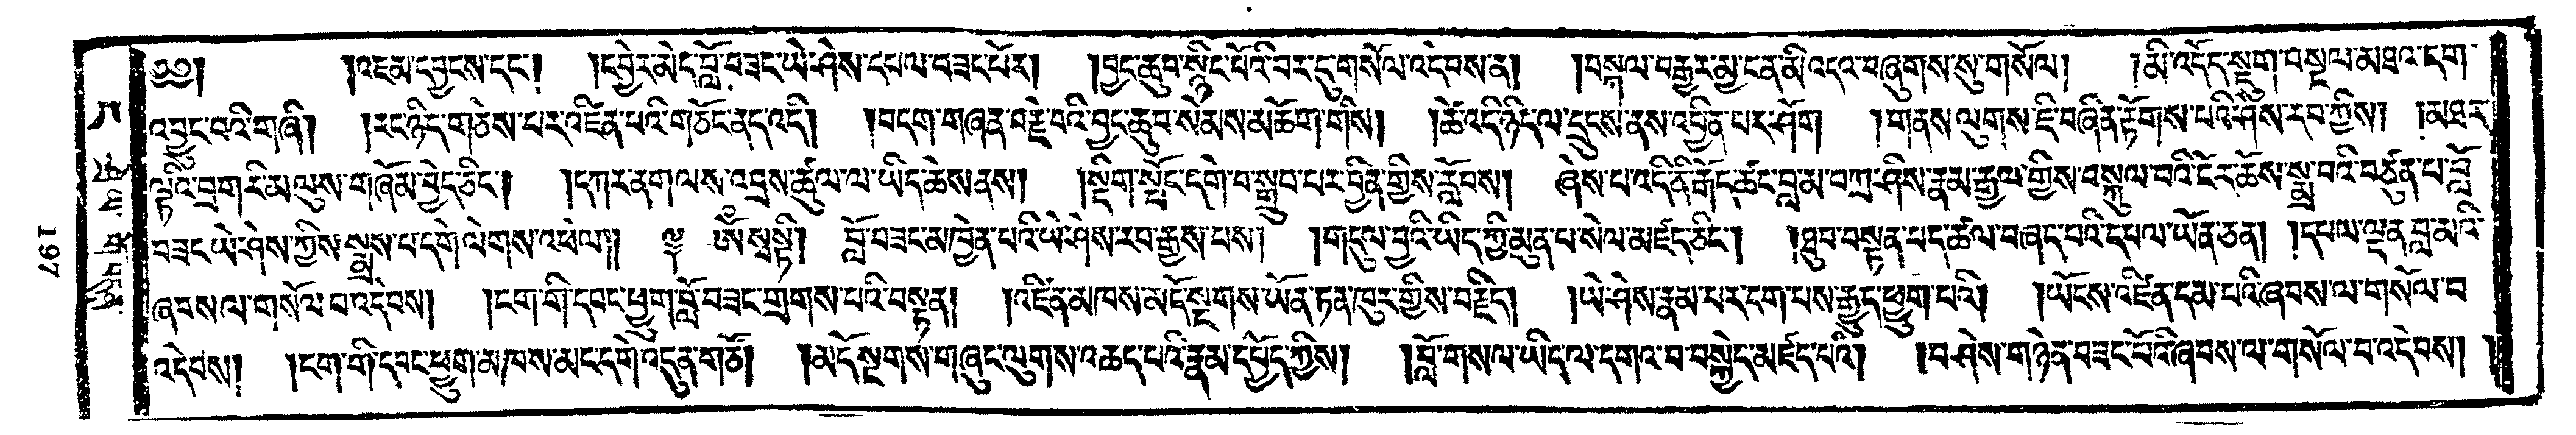༄༅། །འཇམ་དབྱངས་དང་། །དབྱེར་མེད་བློ་བཟང་ཡེ་ཤེས་དཔལ་བཟང་པོར། །བྱང་ཆུབ་སྙིང་པོའི་བར་དུ་གསོལ་འདེབས་ན། །བསྐལ་བརྒྱར་མྱ་ངན་མི་འདའ་བཞུགས་སུ་གསོལ། །མི་འདོད་སྡུག་བསྔལ་མཐའ་དག་
འབྱུང་བའི་གཞི། །རང་ཉིད་གཅེས་པར་འཛིན་པའི་གཅོད་ནས་འདི། །བདག་གཞན་བརྗེ་བའི་བྱང་ཆུབ་སེམས་མཆོག་གིས། །ཚེ་འདི་ཉིད་ལ་དྲུངས་ནས་འབྱིན་པར་ཤོག །གནས་ལུགས་ཇི་བཞིན་རྟོགས་པའི་ཤེས་རབ་ཀྱིས། །མཐར་
ལྟའི་བྲག་རི་མ་ལུས་གཞོམ་བྱེད་ཅིང་། །དཀར་ནག་ལས་འབྲས་ཚུལ་ལ་ཡིད་ཆེས་ནས། །སྡིག་སྤོང་དགེ་བ་སྒྲུབ་པར་བྱིན་གྱིས་རློབས། ཞེས་པ་འདི་ནི་རྒོད་ཚང་བླ་མ་བཀྲ་ཤིས་རྣམ་རྒྱལ་གྱིས་བསྐུལ་བའི་ངོར་ཆོས་སྨྲ་བའི་བཙུན་པ་བློ་
བཟང་ཡེ་ཤེས་ཀྱིས་སྨྲས་པ་དགེ་ལེགས་འཕེལ།། ༈ ཨོཾ་སྭསྟི། བློ་བཟང་མཁྱེན་པའི་ཡེ་ཤེས་རབ་རྒྱས་པས། །གདུལ་བྱའི་ཡིད་ཀྱི་མུན་པ་སེལ་མཛད་ཅིང་། །ཐུབ་བསྟན་པད་ཚལ་བཞད་པའི་དཔལ་ཡོན་ཏན། །དཔལ་ལྡན་བླ་མའི་
ཞབས་ལ་གསོལ་བ་འདེབས། །ངག་གི་དབང་ཕྱུག་བློ་བཟང་གྲགས་པའི་བསྟན། །འཛིན་མཁས་མདོ་སྔགས་ཡོན་ཏན་ཁུར་གྱིས་བརྗིད། །ཡེ་ཤེས་རྣམ་པར་དག་པས་རྒྱུད་ཕྱུག་པའི། །ཡོངས་འཛིན་དམ་པའི་ཞབས་ལ་གསོལ་བ་
འདེབས། །ངག་གི་དབང་ཕྱུག་མཁས་མང་དགེ་འདུན་གཙོ། །མདོ་སྔགས་གཞུང་ལུགས་འཆད་པའི་རྣམ་དཔྱོད་ཀྱིས། །བློ་གསལ་ཡིད་ལ་དགའ་བ་བསྐྱེད་མཛད་པའི། །བཤེས་གཉེན་བཟང་པོའི་ཞབས་ལ་གསོལ་བ་འདེབས། །